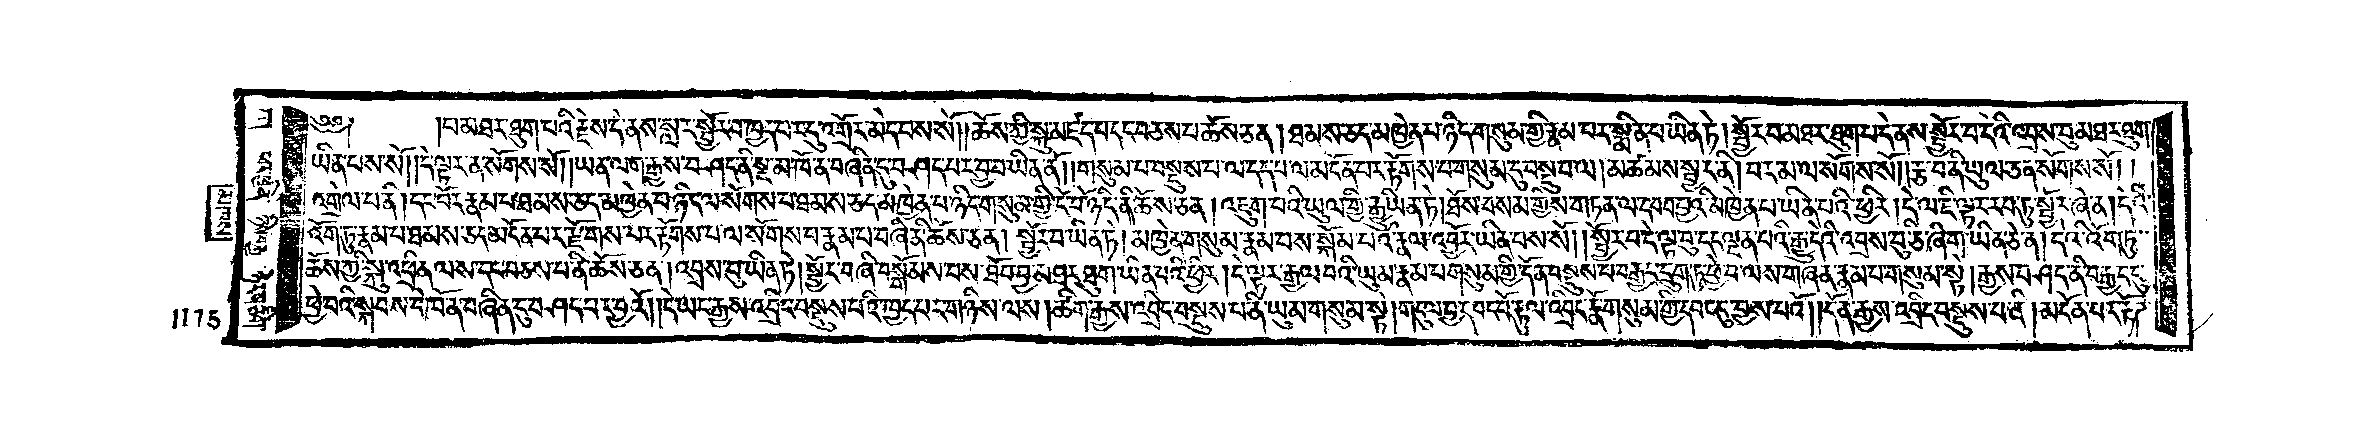༄༅། །པ་མཐར་ཐུག་པའི་རྗེས་དེ་ནས་སླར་སྦྱོར་བ་ཁྱད་པར་དུ་འགྲོར་མེད་པས་སོ། །ཆོས་ཀྱི་སྐུ་མཛད་པ་དང་བཅས་པ་ཆོས་ཅན། ཐམས་ཅད་མཁྱེན་པ་ཉིད་གསུམ་གྱི་རྣམ་པར་སྨིན་པ་ཡིན་ཏེ། སྦྱོར་བ་མཐར་ཐུག་པ་དེ་ནས་སྦྱོར་བ་དེའི་འབྲས་བུ་མཐར་ཐུག་
ཡིན་པས་སོ། །དེ་ལྟར་ན་སོགས་སོ། །ཡན་ལག་རྒྱས་བཤད་ནི་སྔ་མ་ཁོ་ན་བཞིན་དུ་བཤད་པར་བྱ་བ་ཡིན་ནོ། །གསུམ་པ་བསྡུས་པ་ལ་དད་པ་ལ་མངོན་པར་རྟོགས་པ་གསུམ་དུ་བསྡུ་བ་ལ། མཚམས་སྦྱར་ནི། བར་མ་ལ་སོགས་སོ། །རྩ་བ་ནི་ཡུལ་ཅན་སོགས་སོ། །
འགྲེལ་པ་ནི། དང་པོར་རྣམ་པ་ཐམས་ཅད་མཁྱེན་པ་ཉིད་ལ་སོགས་པ་ཐམས་ཅད་མཁྱེན་པ་ཉིད་གསུམ་གྱི་ངོ་བོ་ཉིད་ནི་ཆོས་ཅན། འཇུག་པའི་ཡུལ་གྱི་རྒྱུ་ཡིན་ཏེ། ཐོས་བསམ་གྱིས་གཏན་ལ་དབབ་བྱའི་མཁྱེན་པ་ཡིན་པའི་ཕྱིར། དེ་ལ་ཇི་ལྟར་རབ་ཏུ་སྦྱོར་ཞེ་ན། དེའི་
འོག་ཏུ་རྣམ་པ་ཐམས་ཅད་མངོན་པར་རྫོགས་པར་རྟོགས་པ་ལ་སོགས་པ་རྣམ་པ་བཞི་ནི་ཆོས་ཅན། སྦྱོར་བ་ཡིན་ཏེ། མཁྱེན་གསུམ་རྣམ་པས་སྐོམ་པའི་རྣལ་འབྱོར་ཡིན་པས་སོ། །སྦྱོར་བ་དེ་ལྟ་བུ་དང་ལྡན་པའི་རྒྱུ་དེའི་འབྲས་བུ་ཅི་ཞིག་ཡིན་ཅེ་ན། དེའི་འོག་ཏུ་
ཆོས་ཀྱི་སྐུ་འཕྲིན་ལས་དང་བཅས་པ་ནི་ཆོས་ཅན། འབྲས་བུ་ཡིན་ཏེ། སྦྱོར་བཞི་བསྒོམས་པས་ཐོབ་བྱ་མཐར་ཐུག་ཡིན་པའི་ཕྱིར། དེ་ལྟར་རྒྱལ་བའི་ཡུམ་རྣམ་པ་གསུམ་གྱི་དོན་བསྡུས་པ་བརྒྱད་དྲུག་ཏུ་ཕྱེ་བ་ལས་གཞན་རྣམ་པ་གསུམ་སྟེ། རྒྱས་བཤད་ནི་བརྒྱད་དུ་
ཕྱེ་བའི་སྐབས་དེ་ཁོ་ན་བཞིན་དུ་བཤད་པར་བྱའོ། །དེ་ཡང་རྒྱས་འབྲིང་བསྡུས་པའི་ཁྱད་པར་གཉིས་ལས། ཚིག་རྒྱས་འབྲིང་བསྡུས་པ་ནི་ཡུམ་གསུམ་སྟེ། གདུལ་བྱ་དབང་པོ་རྟུལ་འབྲིང་རྣོ་གསུམ་གྱི་དབང་དུ་བྱས་པའོ། །དོན་རྒྱས་འབྲིང་བསྡུས་པ་ནི། མངོན་པར་རྟོགས་